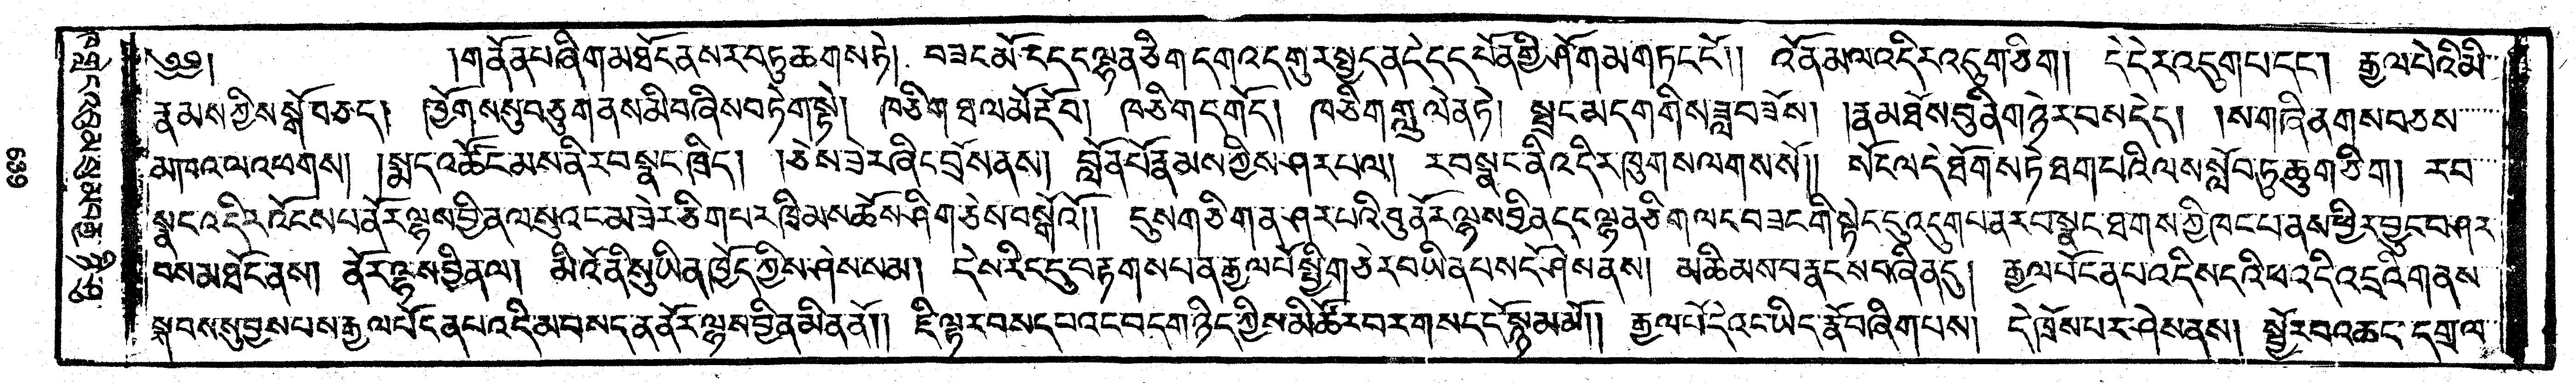༄༅། །གནོན་པ་ཞིག་མཐོང་ནས་རབ་ཏུ་ཆགས་ཏེ། བཟང་མོ་ང་དང་ལྷན་ཅིག་དགའ་དགུར་སྤྱད་ན་དེད་དཔོན་གྱི་ཤོ་གམ་གཏང་ངོ།། འོན་མལ་འདིར་འདུག་ཅིག། དེ་དེར་འདུག་པ་དང་། རྒྱལ་པེའི་མི་
རྣམས་ཀྱིས་སྒོ་བཅད། ཁྱོགས་སུ་བཅུག་ནས་མི་བཞིས་བཏེག་སྟེ། ཁ་ཅིག་ཐལ་མོ་རྡོབ། ཁ་ཅིག་དགོད། ཁ་ཅིག་གླུ་ལེན་ཏེ། སྦྲང་མདག་གིས་ཟླ་བཟོས། །རྣམ་ཐོས་བུ་ནི་གཉེར་བས་དེད། །ས་གཞི་ནགས་བཅས་
མཁའ་ལ་འཕགས། །སྨད་འཚོང་མས་ནི་རབ་སྣང་ཁྲིད། །ཅེས་ཟེར་ཞིང་བྲོས་ནས། བློན་པོ་རྣམས་ཀྱིས་ཤར་པ་ལ། རབ་སྣང་ནི་འདིར་ཁུགས་ལགས་སོ།། སོང་ལ་དེ་ཐོགས་ཏེ་ཐག་པའི་ལས་སློབ་ཏུ་ཆུག་ཅིག། རབ་
སྣང་འདིར་འོངས་པ་ནོར་ལྷས་བྱིན་ལ་སུའང་མ་ཟེར་ཅིག་པར་ཁྲིམས་ཆོས་ཤིག་ཅེས་བསྒོའོ།། དུས་གཅིག་ན་ཤར་པའི་བུ་ནོར་ལྷས་བྱིན་དང་ལྷན་ཅིག་ལང་བཟང་གི་སྟེང་དུ་འདུག་པ་ན་རབ་སྣང་ཐགས་ཀྱི་ཁང་པ་ནས་ཕྱིར་བྱུང་བ་ཤར་
བས་མཐོང་ནས། ནོར་ལྷས་བྱིན་ལ། མིའོ་ནི་སུ་ཡིན་ཁྱོད་ཀྱིས་ཤེས་སམ། དེས་རིང་དུ་བརྟགས་པ་ན་རྒྱལ་པོ་སྤྱི་གཅེར་བ་ཡིན་པས་ངོ་ཤེས་ནས། མཆིམས་བརྣངས་བཞིན་དུ། རྒྱལ་པོ་ངན་པ་འདིས་ངའི་ཕ་འདི་འདྲའི་གནས་
སྐབས་སུ་བྱས་པས་རྒྱལ་པོ་ངན་པ་འདི་མ་བསད་ན་ནོར་ལྷས་བྱིན་མིན་ནོ།། ཇི་ལྟར་བསད་པའང་བདག་ཉིད་ཀྱིས་མི་ཚོར་བར་གསད་དོ་སྙམ་མོ།། རྒྱལ་པོ་དེའང་ཡིད་རྣོ་བཞིག་པས། དེ་ཁྲོས་པར་ཤེས་ནས། སྦྱོར་བ་འཆང་དགྲ་ལ་